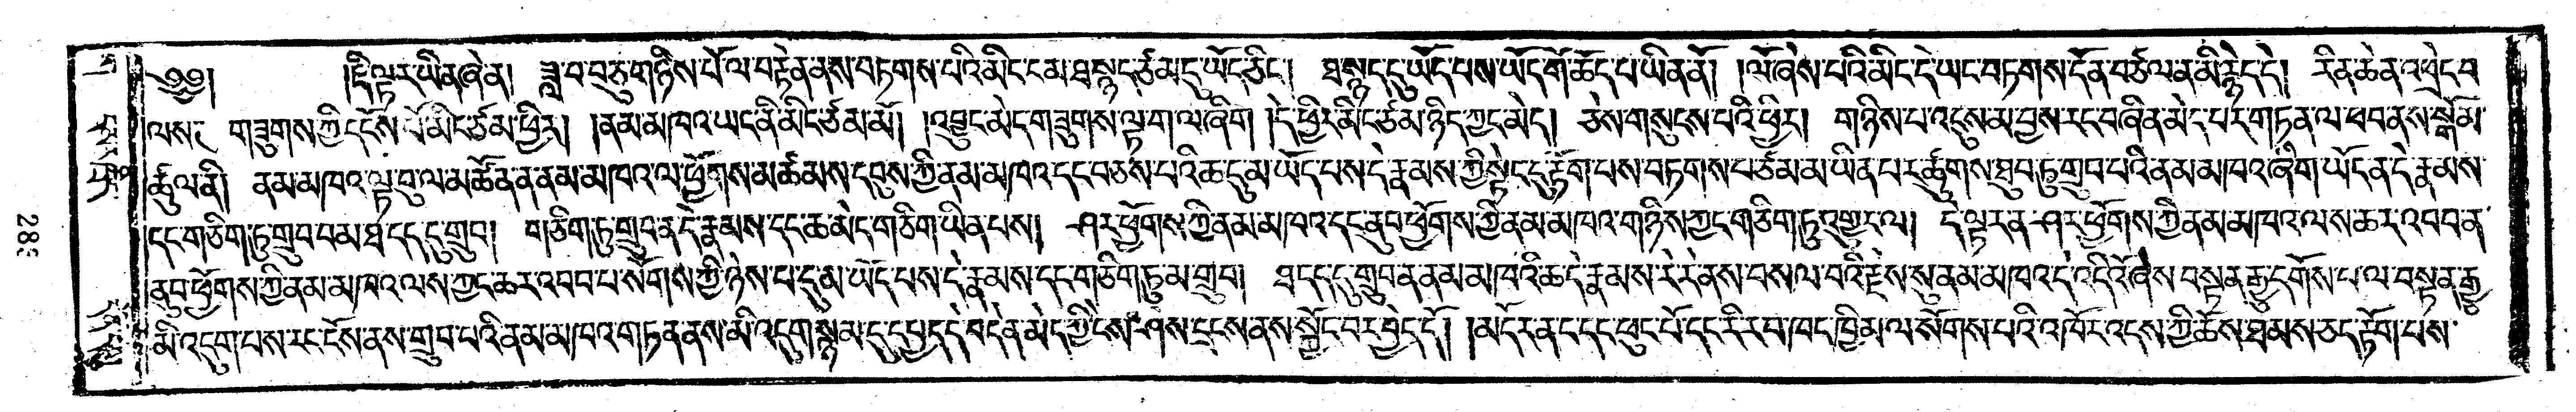༄༅། །ཇི་ལྟར་ཡིན་ཞེ་ན། ཟླ་བ་བཅུ་གཉིས་པོ་ལ་བརྟེན་ནས་བཏགས་པའི་མིང་ངམ་ཐ་སྙད་ཙམ་དུ་ཡོད་ཅིང་། ཐ་སྙད་དུ་ཡོད་པས་ཡོད་གོ་ཆོད་པ་ཡིན་ནོ། །ལོ་ཞེས་པའི་མིང་དེ་ཡང་བཏགས་དོན་བཙལ་ན་མི་རྙེད་དེ། རིན་ཆེན་འཕྲེང་བ་
ལས༑ གཟུགས་ཀྱི་དངོས་པོ་མིང་ཙམ་ཕྱིར། །ནམ་མཁའ་ཡང་ནི་མིང་ཙམ་མོ། །འབྱུང་མེད་གཟུགས་ལྟ་ག་ལ་ཞིག །དེ་ཕྱིར་མིང་ཙམ་ཉིད་ཀྱང་མེད། ཅེས་གསུངས་པའི་ཕྱིར། གཉིས་པ་འདུས་མ་བྱས་རང་བཞིན་མེད་པར་གཏན་ལ་ཕབ་ནས་སྒོམ་
ཚུལ་ནི། ནམ་མཁའ་ལྟ་བུ་ལ་མཚོན་ན་ནམ་མཁའ་ལ་ཕྱོགས་མཚམས་དབུས་ཀྱི་ནམ་མཁའ་དང་བཅས་པའི་ཆ་དུ་མ་ཡོད་པས་དེ་རྣམས་ཀྱི་སྟེང་དུ་རྟོག་པས་བཏགས་པ་ཙམ་མ་ཡིན་པར་ཚུགས་ཐུབ་ཏུ་གྲུབ་པའི་ནམ་མཁའ་ཞིག་ཡོད་ན་དེ་རྣམས་
དང་གཅིག་ཏུ་གྲུབ་བམ་ཐ་དད་དུ་གྲུབ། གཅིག་ཏུ་གྲུབ་ན་དེ་རྣམས་དང་ཆ་མེད་གཅིག་ཡིན་པས། ཤར་ཕྱོགས་ཀྱི་ནམ་མཁའ་དང་ནུབ་ཕྱོགས་ཀྱི་ནམ་མཁའ་གཉིས་ཀྱང་གཅིག་ཏུ་འགྱུར་ལ། དེ་ལྟར་ན་ཤར་ཕྱོགས་ཀྱི་ནམ་མཁའ་ལས་ཆར་འབབ་ན་
ནུབ་ཕྱོགས་ཀྱི་ནམ་མཁའ་ལས་ཀྱང་ཆར་འབབ་པ་སོགས་ཀྱི་ཉེས་པ་དུ་མ་ཡོད་པས་དེ་རྣམས་དང་གཅིག་ཏུ་མ་གྲུབ། ཐ་དད་དུ་གྲུབ་ན་ནམ་མཁའི་ཆ་དེ་རྣམས་རེ་རེ་ནས་བསལ་བའི་རྗེས་སུ་ནམ་མཁའ་དེ་འདིའོ་ཞེས་བསྟན་རྒྱུ་དགོས་པ་ལ་བསྟན་རྒྱུ་
མི་འདུག་པས་རང་ངོས་ནས་གྲུབ་པའི་ནམ་མཁའ་གཏན་ནས་མི་འདུག་སྙམ་དུ་དཔྱད་དེ་བདེན་མེད་ཀྱི་ངེས་ཤེས་དྲངས་ནས་སྐྱོང་བར་བྱེད་དོ། །མདོར་ན་ང་དང་ཕུང་པོ་དང་རི་རབ་ཁང་ཁྱིམ་ལ་སོགས་པའི་འཁོར་འདས་ཀྱི་ཆོས་ཐམས་ཅད་རྟོག་པས་